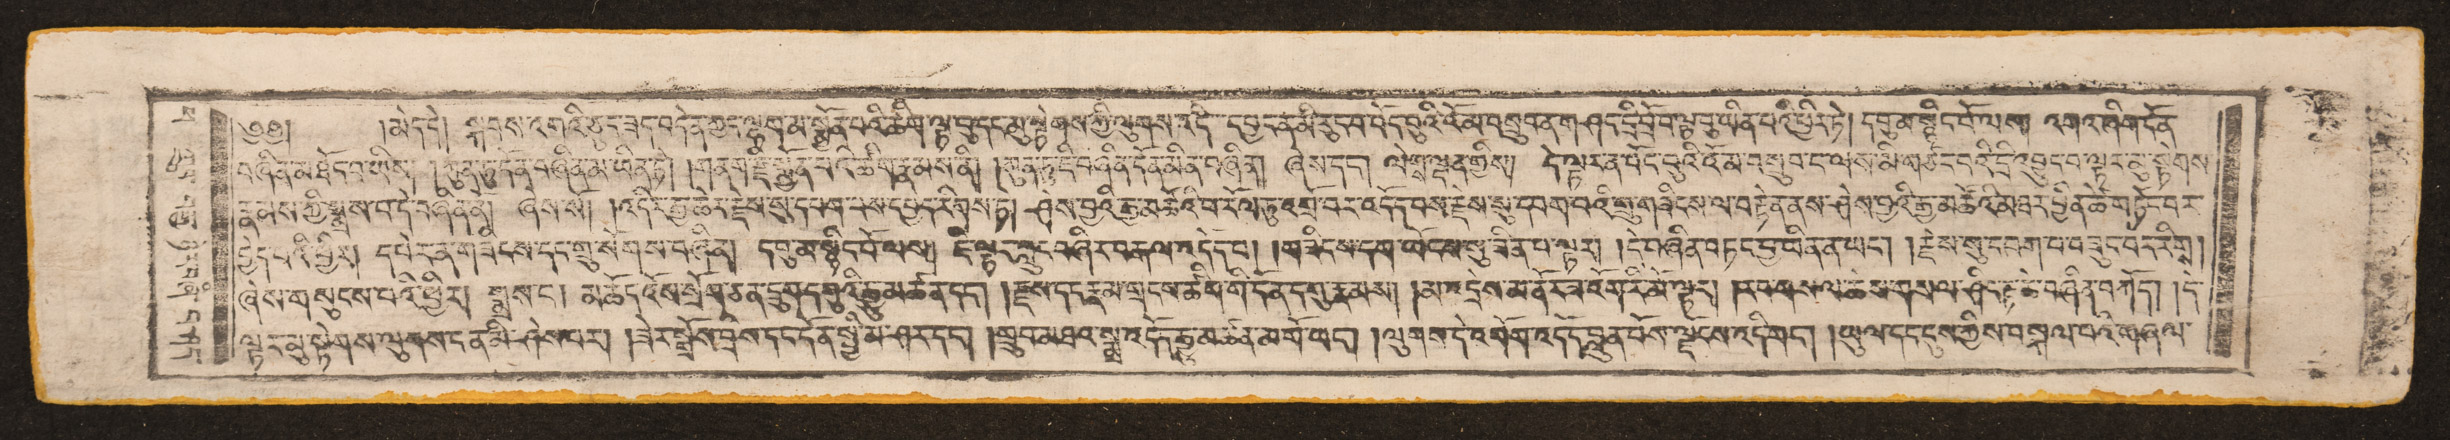༄༅། །མེད་དེ། སྐབས་འགའི་ཅུང་ཟད་བདེན་ཀྱང་ལྷག་མ་སྨྱོན་པའི་ཚིག་ལྟ་བུ་དང་མུ་སྟེགས་ཀྱི་ལུགས་འདི་དཔྱད་ན་མི་རུང་བ་བོད་བུའི་འོ་མ་བསྲུབ་ན་གཤང་དྲི་བྲོ་བལྟ་བུ་ཡིན་པའི་ཕྱིར་ཏེ། དབུ་མ་སྙིང་པོ་ལས། འགའ་ཞིག་དོན་
བཞིན་མཐོང་བ་ཡིས། །ཀུན་ཏུ་དོན་བཞིན་མ་ཡིན་ཏེ། །གནག་རྫི་སྨྱོན་པའི་ཚིག་རྣམས་ནི། །ཀུན་ཏུ་ཇི་བཞིན་དོན་མིན་བཞིན། ཞེས་དང་། ལེགས་ལྡན་གྱིས། དེ་ལྟར་ན་བོང་བུའི་འོ་མ་བསྲུབ་པ་ལས་མི་གཙང་བའི་དྲི་འབྱུང་བ་ལྟར་མུ་སྟེགས་
རྣམས་ཀྱི་སྨྲས་བདེ་བཞིན་ནོ། ཞེས་སོ། །འདིར་རྒྱ་ཆེར་རྗེས་སུ་དབག་བསད་བྱད་རིགས་ཏེ། ཤེས་བྱའི་རྒྱ་མཚོའི་ཕ་རོལ་ཏུ་འགྲོ་བར་འདོད་པས་རྗེས་སུ་དཔག་པའི་གྲུ་གཟིངས་ལ་བརྟེན་ནས་ཤེས་བྱའི་རྒྱ་མཚོའི་མཐར་ཕྱིན་ཚེ་གཏོང་བར་
བྱེད་པའི་ཕྱིར། དཔེར་ན་གཟིངས་དང་གྲུ་སོགས་བཞིན། དབུ་མ་སྙིང་པོ་ལས། ཇི་ལྟར་ཀླུང་བཞིར་བརྒལ་འདོད་པ། །གཟིངས་དག་ཡོངས་སུ་ཟིན་པ་ལྟར། །དེ་བཞིན་བཏང་བྱ་ཡིན་ན་ཡང་། །རྗེས་སུ་དཔག་པ་བཟུང་བར་རིགས།
ཞེས་གསུངས་པའི་ཕྱིར། སྨྲས་པ། མཆོད་འོ་མ་སྲོག་ཅན་དྲུག་དགུའི་རྒྱུ་མཚན་དང་། །རྫས་དང་རྣམ་གྲངས་ཚིག་གི་དོན་དགུ་རྣམས། །མ་འདྲེས་མ་ནོར་ཟ་འོག་རི་མོ་ལྟར། །རབ་གསལ་ཆེས་གསལ་ཤིང་རྟ་ཆེ་བཞིན་བཀོད། །དེ་
ལྟར་མུ་སྟེགས་ལུགས་ངན་མི་ཤེས་པར། །ཟེར་སྒྲོས་བྲིས་དང་དོན་སྤྱི་མ་ཤར་དང་། །གྲུབ་མཐའ་སྨྲ་འདོད་རྒྱུ་མཚན་མ་གོ་ཡང་། །ལུགས་དེ་འགོག་འདོད་བླུན་པོས་ལྗོངས་འདི་གང་། །ཡུལ་དང་དུས་ཀྱིས་བསྐལ་བའི་གཞལ་